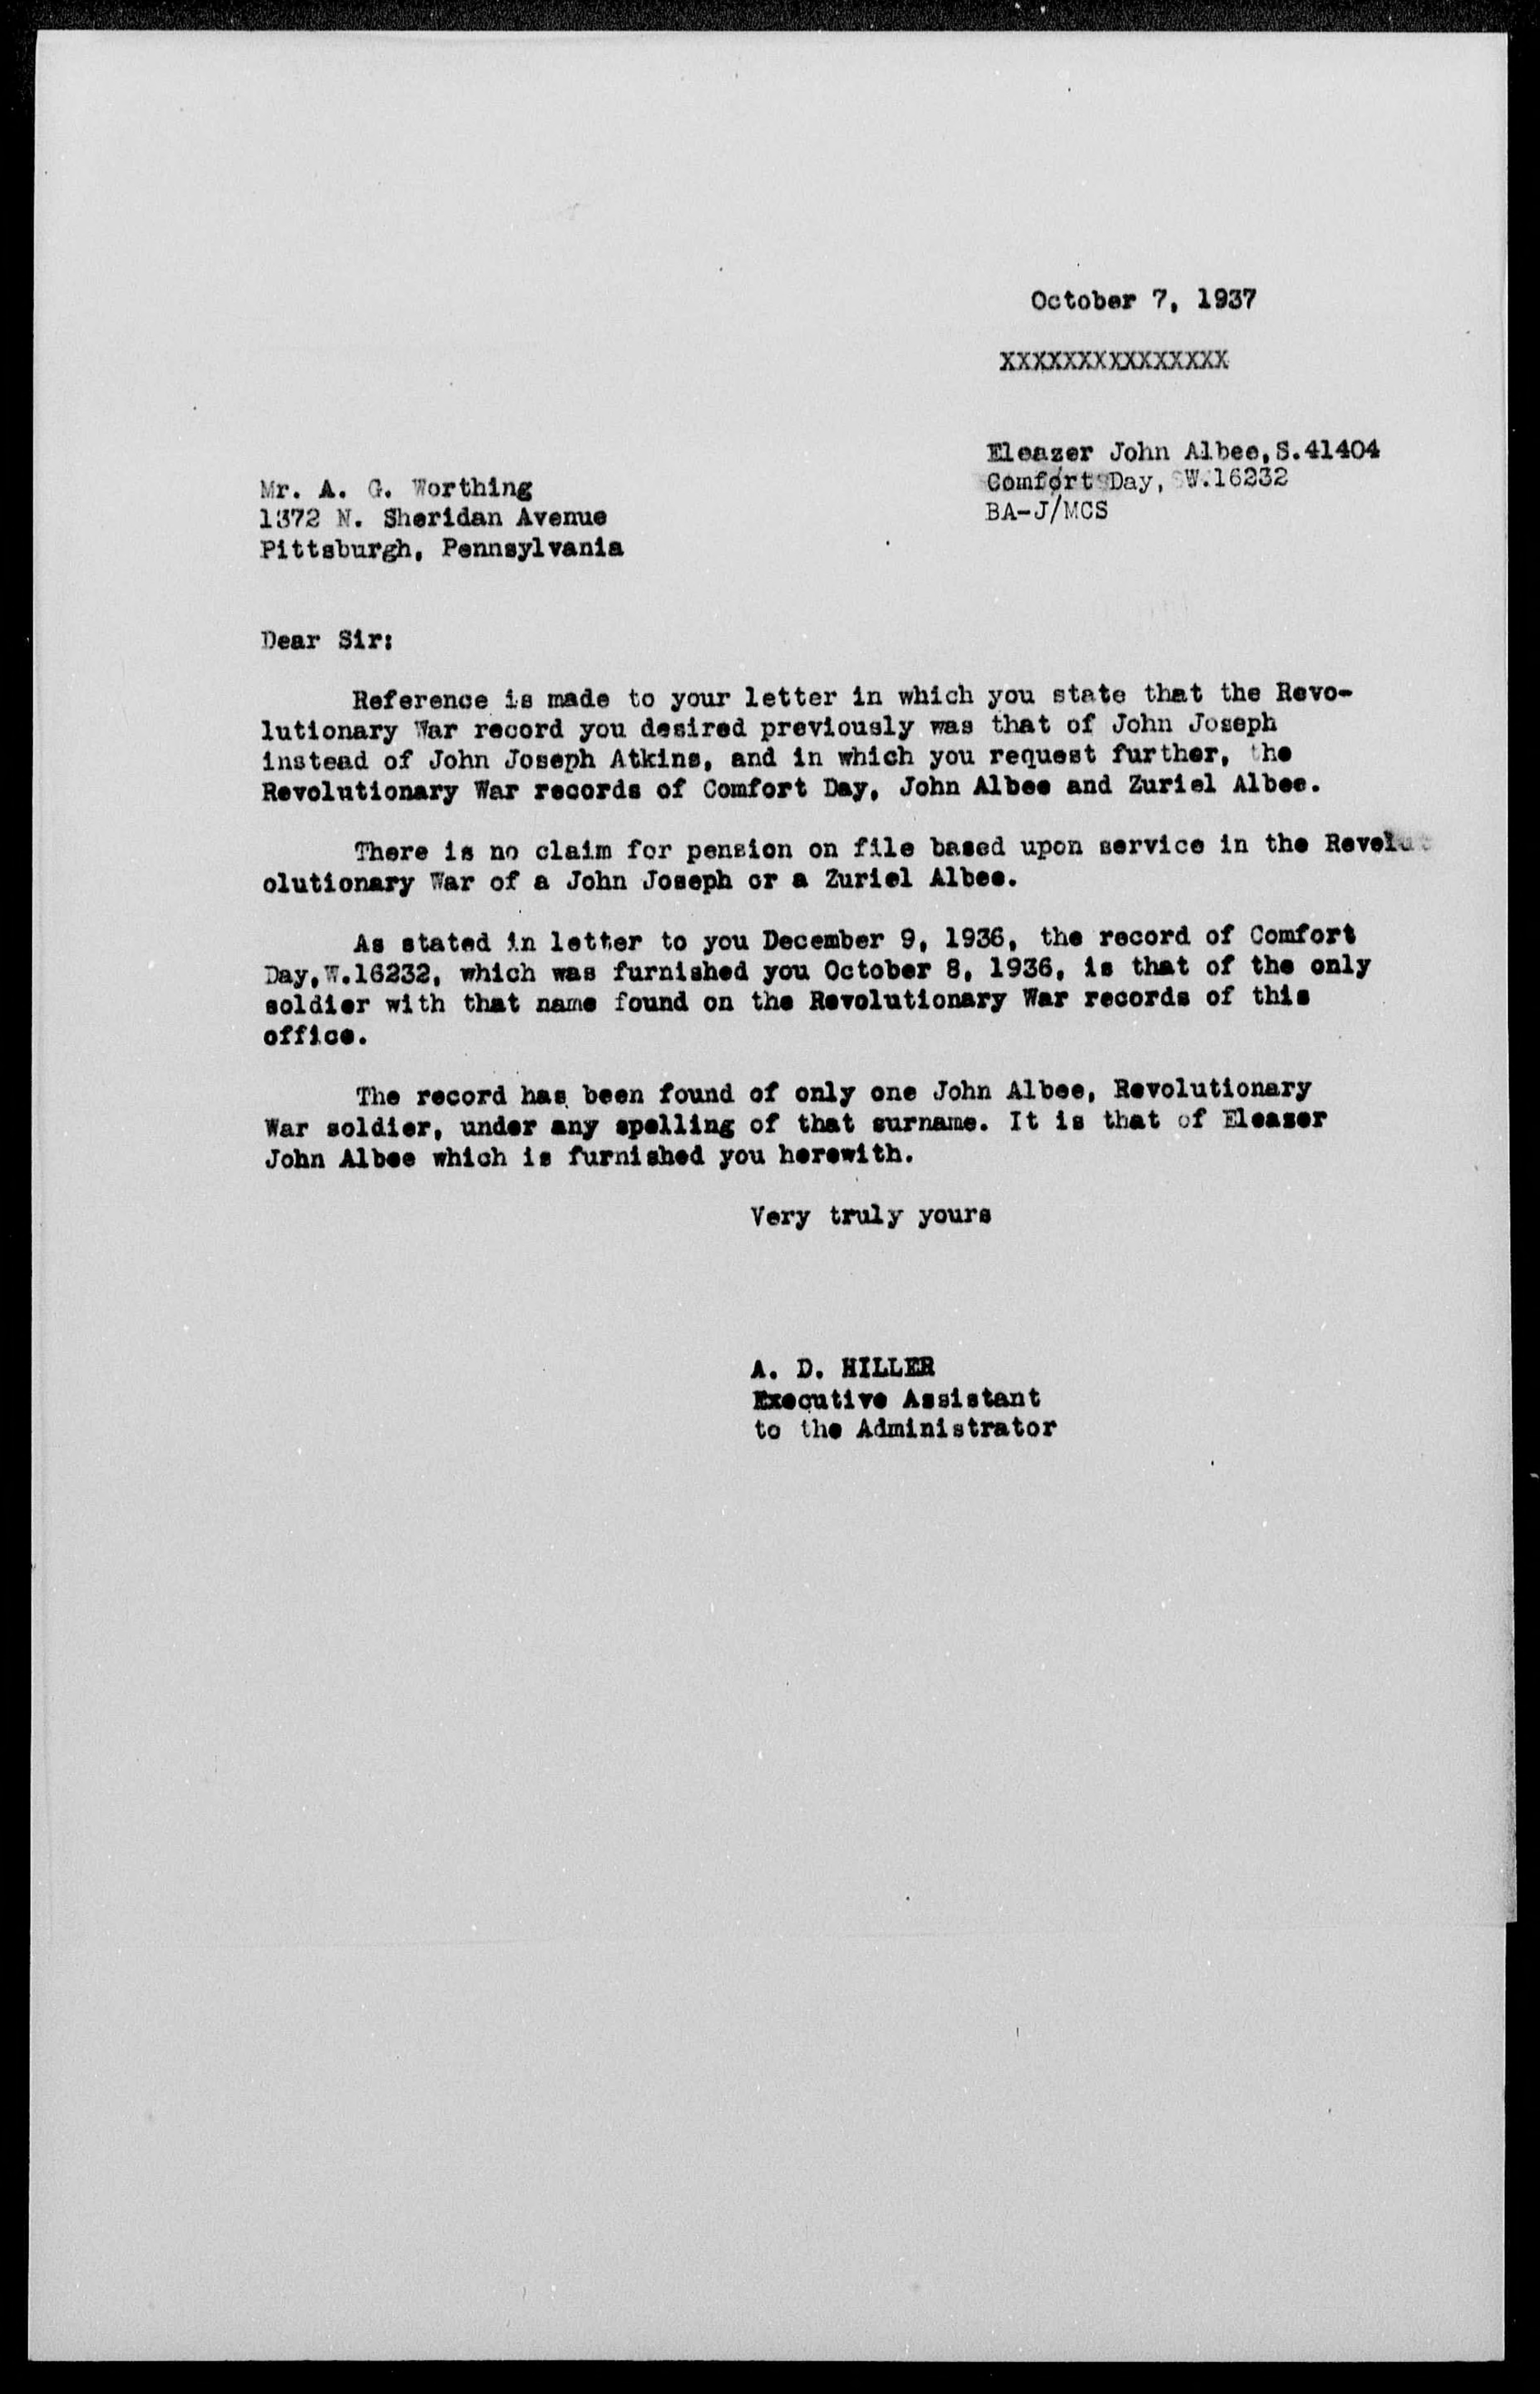October 7, 1937


Eleazer John Albee, S.41404
Comfort Day, W. 16232
BA-J/MCS


Mr. A.G. Worthing
1372 N. Sheridan Ave.
Pittsburgh, Pennsylvania


Dear Sir:

Reference is made to your letter in which you state that the Revolutionary War record you desired previously was that of John Joseph instead of John Joseph Atkins, and in which you request further, the Revolutionary War records of Comfort Day, John Albee, and Zuriel Albee.

There is no claim for pension on file based upon service in the Revolutionary War of a John Joseph or a Zuriel Albee.

As stated in letter to you December 9, 1936, the record of Comfort Day, W. 16232, which was furnished you October 8, 1936 is that of the only soldier with that name found on the Revolutionary War records of this office.

The record has been found of only one John Albee, Revolutionary War soldier, under any spelling of that surname. It is that of Eleazer John Albee which is furnished you herewith.

Very truly yours,

A.D. Hiller
Executive Assistant
to the Adminstrator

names: A D Hiller, Eleazer John Albee, John Albee, John Joseph Atkins, John Joseph, Zuriel Albee, A G Worthing, Zuriel Albee, Eleazer John Albee, John Albee, John Joseph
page: 27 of 29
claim: survivor's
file: S 41404, Eleazer John Albee, Mass. Privateer